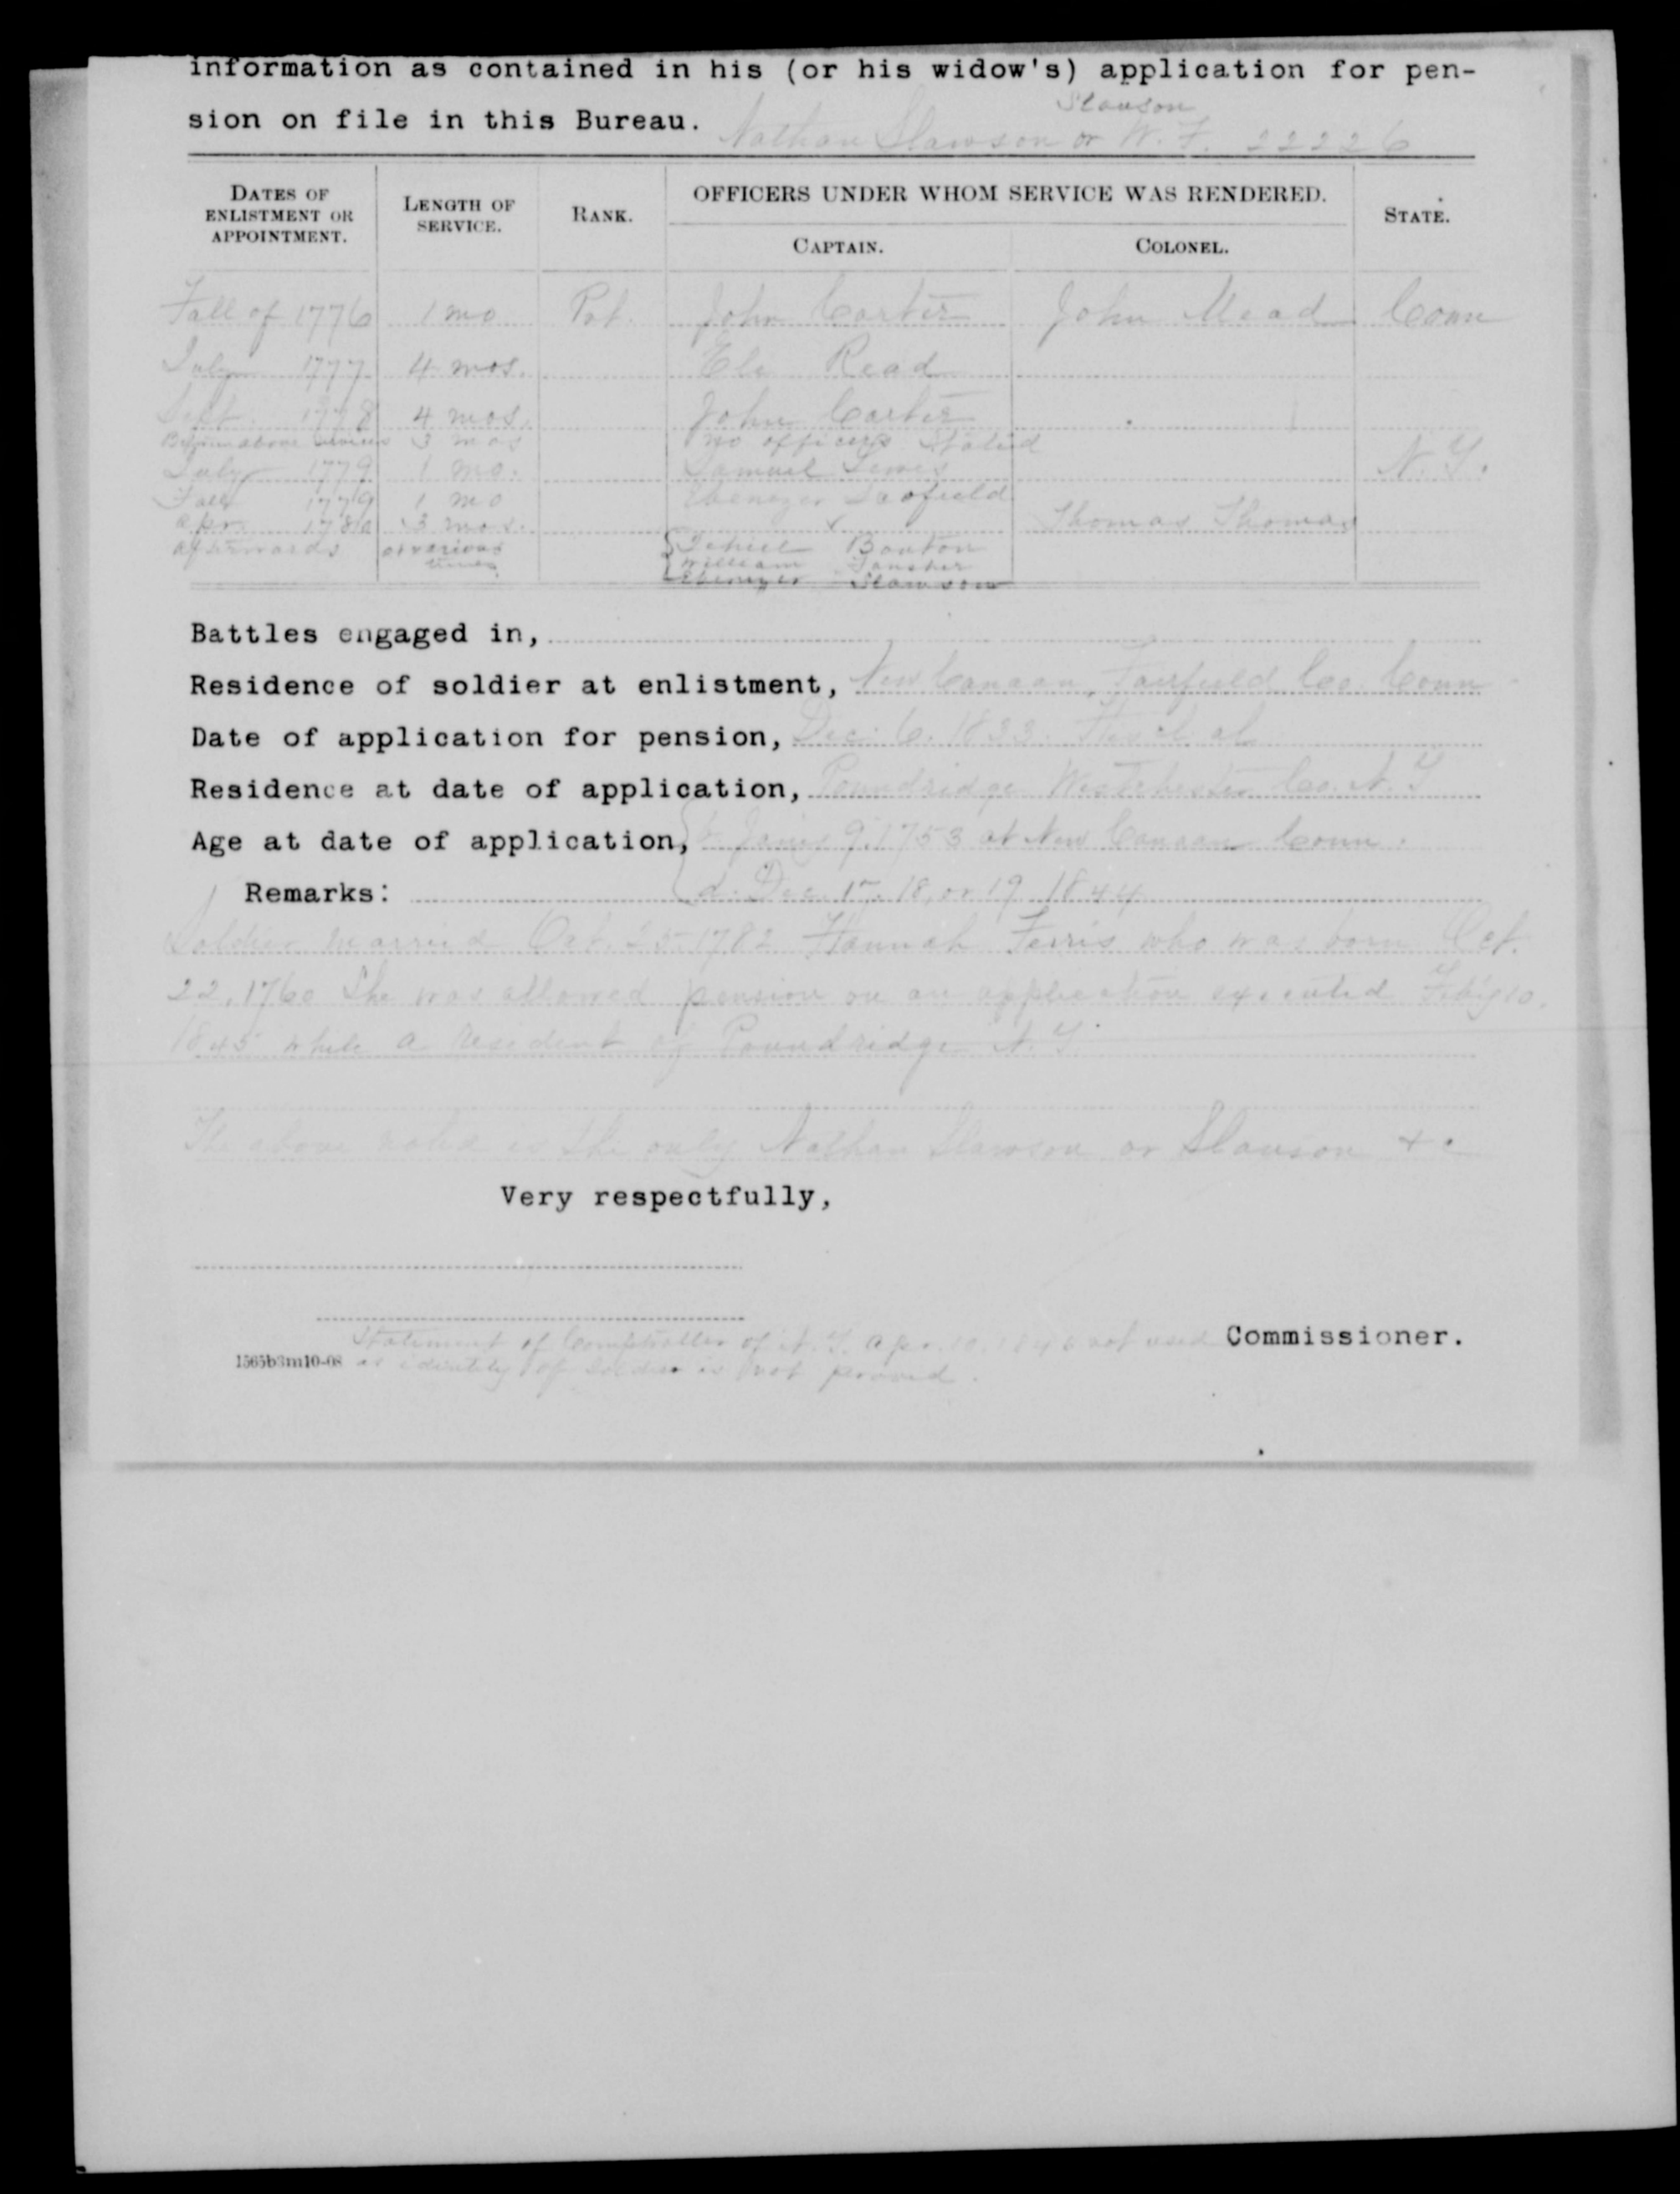information as contained in his (or his widow's) application for pension on file in this Bureau.  
Slawson  Nathan Slawson or W. F. 22226 
DATES OF ENLISTMENT OR APPOINTMENT.  Fall of 1776   LENGTH OF SERVICE.  1 mo.    RANK.  Pvt.  OFFICERS UNDER WHOM SERVICE WAS RENDERED. Captain John Carter  Colonel John Mead   STATE  Conn
DATES OF ENLISTMENT OR APPOINTMENT.  July 1777   LENGTH OF SERVICE.  4 mos.   RANK.   OFFICERS UNDER WHOM SERVICE WAS RENDERED.  Captain Eli Read
DATES OF ENLISTMENT OR APPOINTMENT.  Sept 1778   LENGTH OF SERVICE.   4 mos.   OFFICERS UNDER WHOM SERVICE WAS RENDERED.  Captain John Carter 
Between above services 3 mos.  no officers stated
DATES OF ENLISTMENT OR APPOINTMENT.   July 1779     LENGTH OF SERVICE.  1 Mo.  OFFICERS UNDER WHOM SERVICE WAS RENDERED.  Captain Samuel Lewis
STATE  N. Y.  DATES OF ENLISTMENT OR APPOINTMENT.    Fall 1779   LENGTH OF SERVICE.  1 Mo  OFFICERS UNDER WHOM SERVICE WAS RENDERED.  Captain Ebenezer Scofield  
DATES OF ENLISTMENT OR APPOINTMENT.  Apr. 1780   LENGTH OF SERVICE.  3 mos.     
OFFICERS UNDER WHOM SERVICE WAS RENDERED.  Colonel Thomas Thomas
Afterwards at various times – Captain Jehiel Boston  Captain William Fansher  Captain Ebenezer Slawson
Battles engaged in, 
Residence of soldier at enlistment, New Canaan, Fairfield Co. Conn
Date of application for pension, Dec 6 1833, his cl. was al [his claim was allowed]
Residence at date of application, Poundridge Westchester Co. N.Y.
Age at date of application, b. [born] Jany 9 1753 at New Canaan Conn. d. Dec 17, 18 or 19, 1844
Remarks:  Soldier married Oct 25, 1782 Hannah Ferris who was born Oct 22 1760.  She was allowed pension on an application executed Feby 10, 1845 while a resident of Poundridge N. Y.
The above noted is the only Nathan Slawson or Slanson &c
Very respectfully
Commissioner
Statement of Comptroller of N. Y. Apr 10 1846 not used as identity of soldier not proved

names: Nathan Slawson; Thomas Thomas; [BLANK] Slawson; Nathan Slawson; Nathan Slawson; John Carter; Ebenezer Scofield; Eli Read; John Mead; Ebenezer Slawson; William Hansder; Hannah Ferris; Samuel Lewis; Jehiel Bouton; John Carter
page: 45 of 87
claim: widow's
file: W. 22,226, for Nathan Slawson, Connecticut